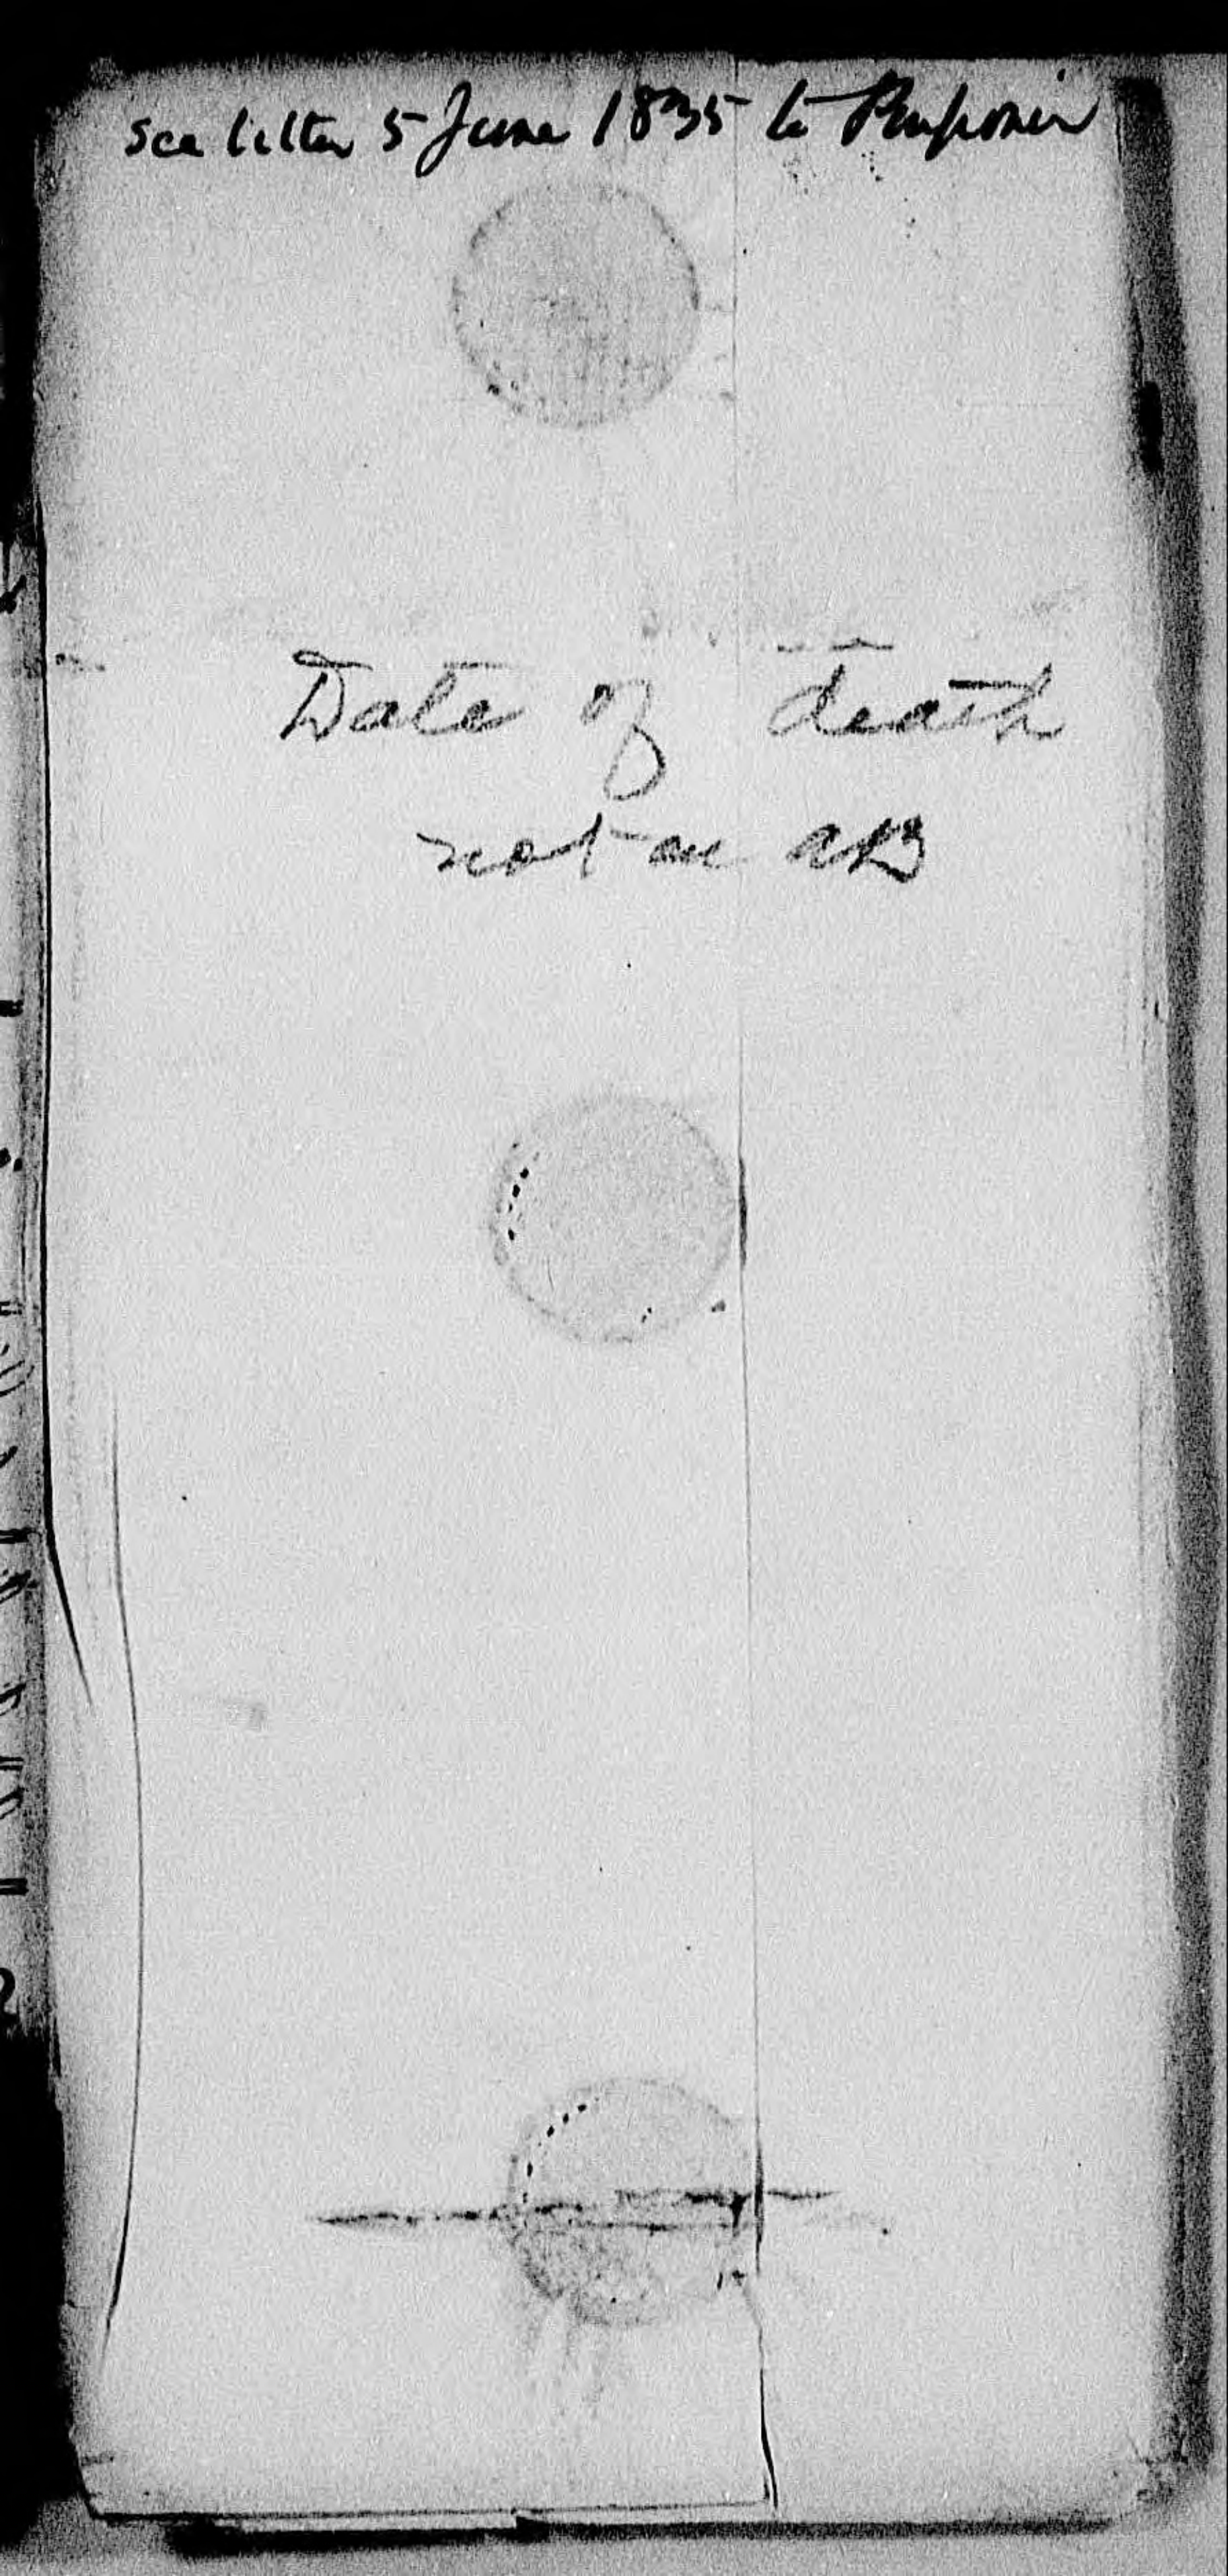See letter 5 June 1835 to Pensioner


Date of death
not as [    ]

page: 2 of 17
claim: survivor's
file: S. 16889, for Epaphras Jones, Connecticut